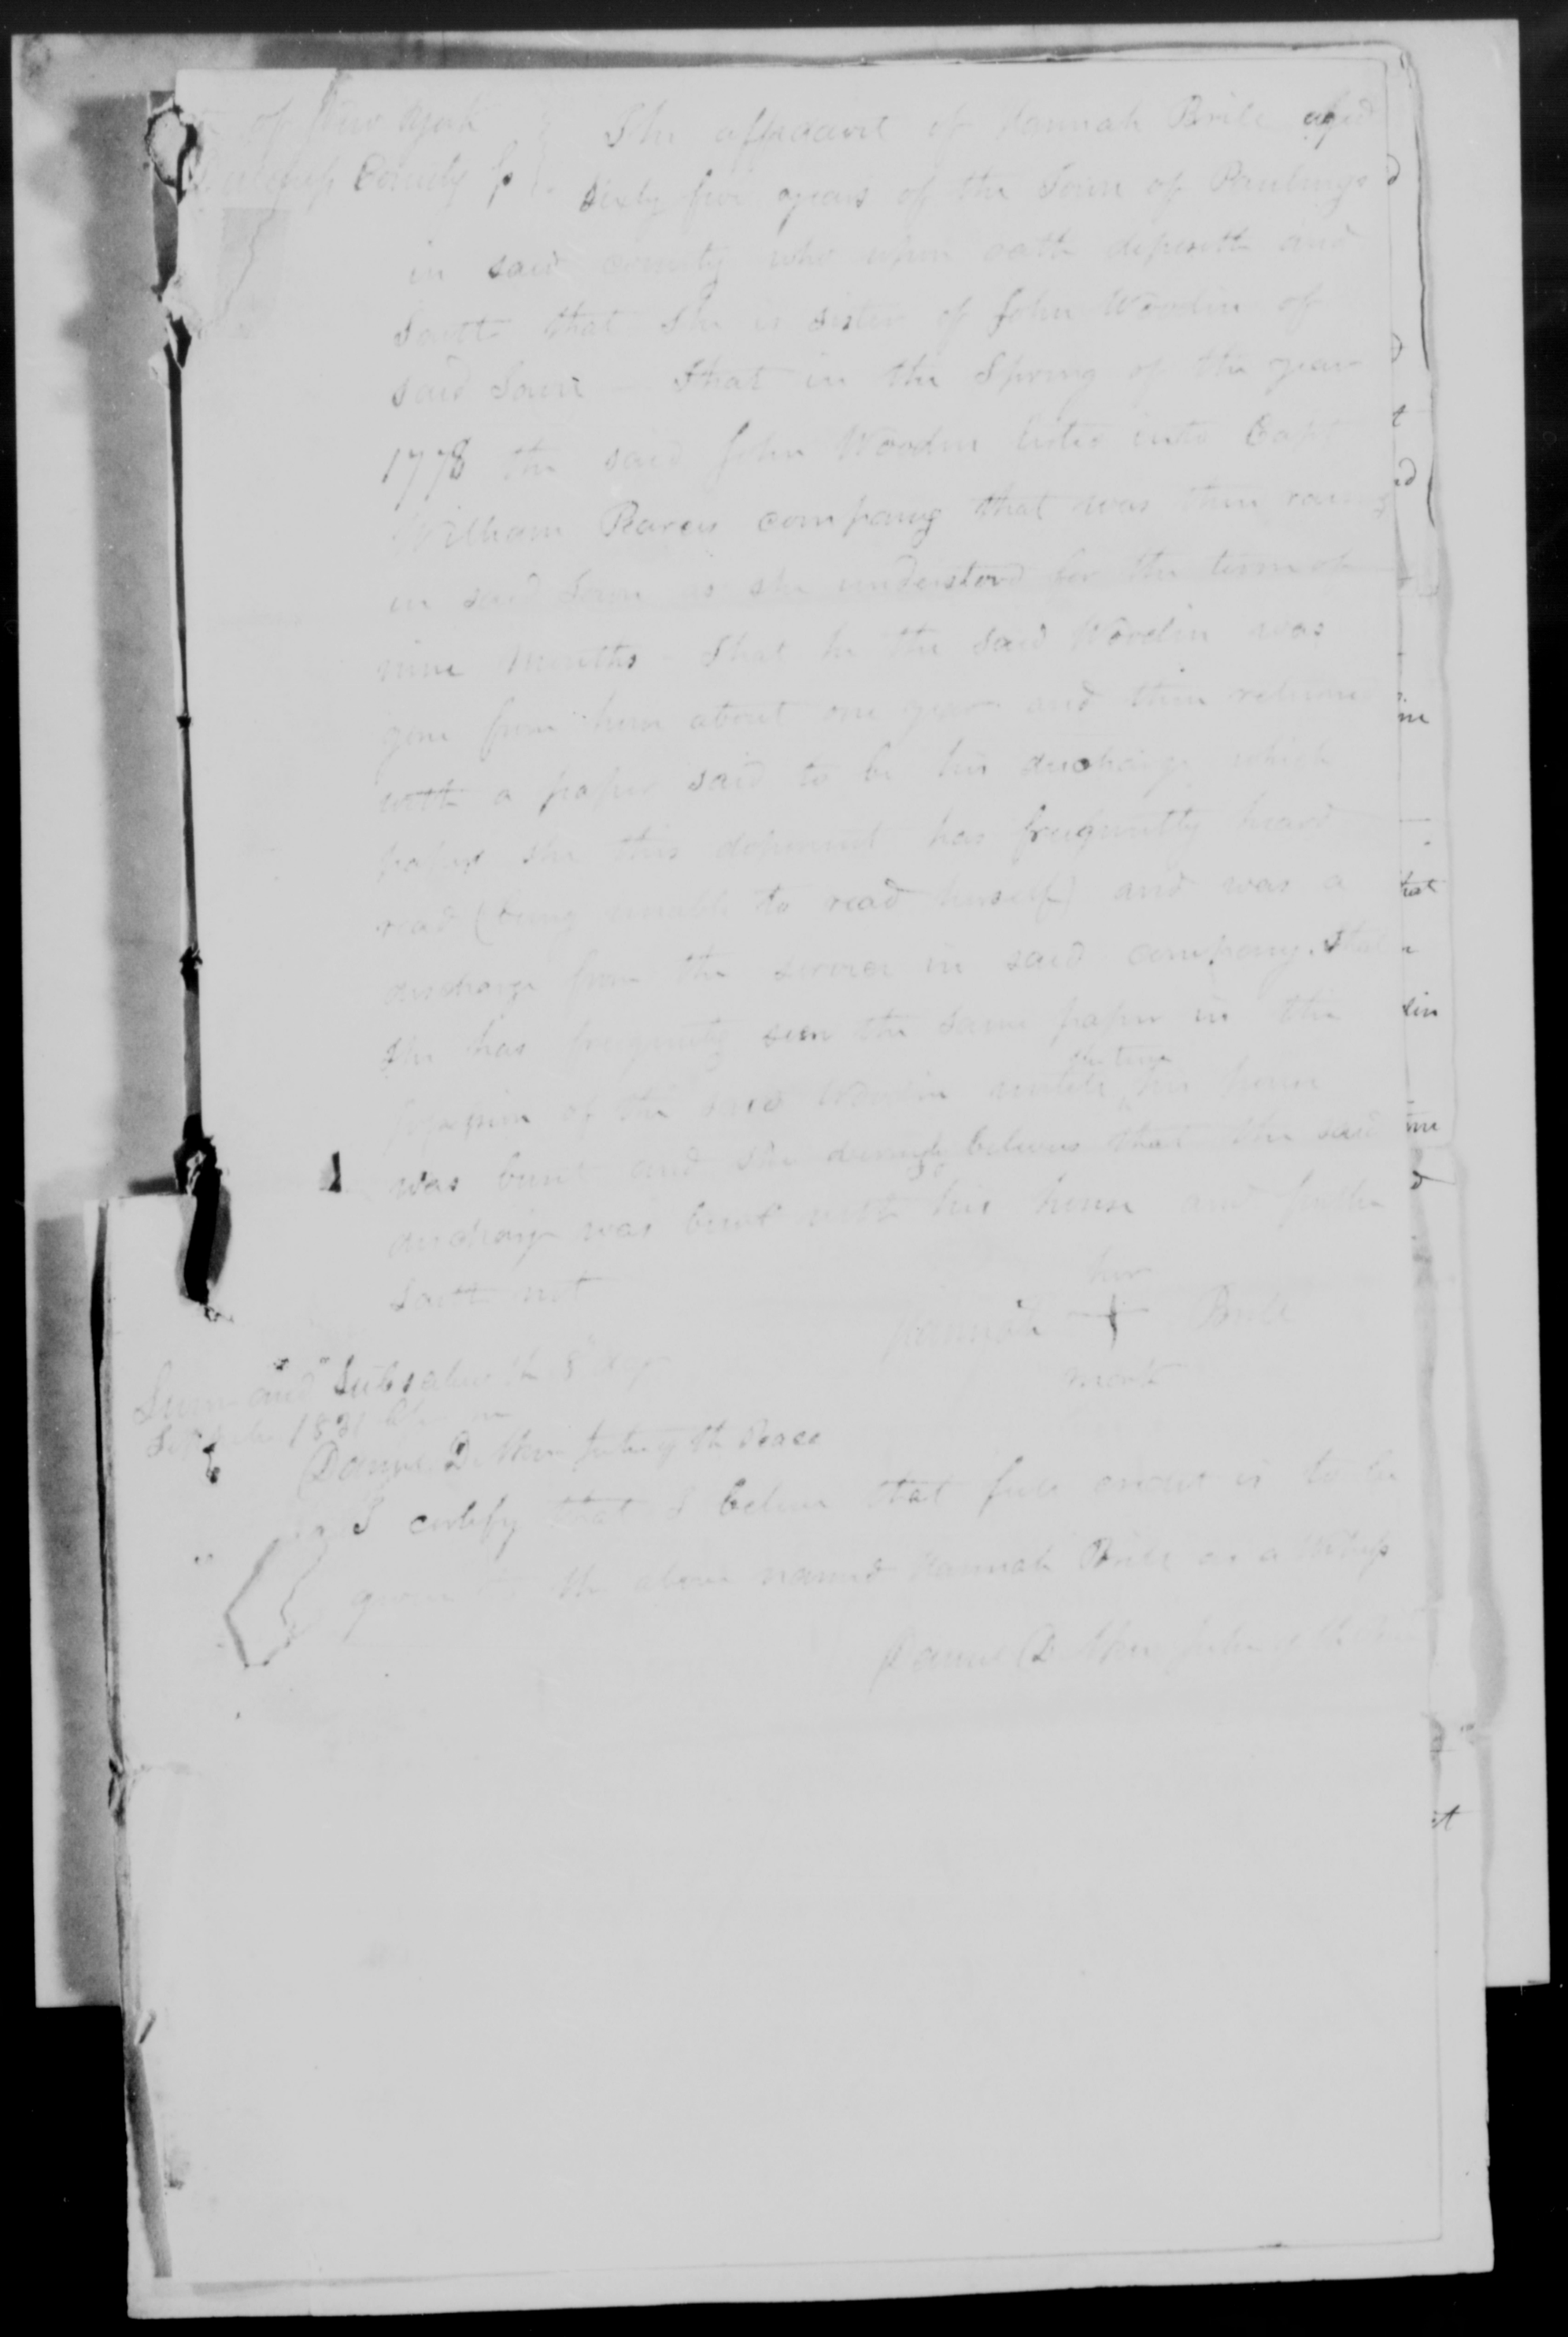County of New York
Dutchess County The affidavit of Hannah Brill aged to sixty four years of the Town of Pawlings in the said County who upon oath deposeth and saith that she is sister of John Woodin of said Town That in the Spring of the year 1778 the said John Woodin listed into Capt William Pearces company that was then raising in said Town is she understood for the term of nine months  That he the said Woodin was gone from them about one year and then returned with a paper said to be his discharge while [illegible] she this deponent has frequently heard read (being unable to read herself) and was a discharge from the service in said Company. And that she has frequently seen the same paper in the possession of the said Woodin until the time her house was burnt and she verily believes that the said discharge was burnt with his house and further saith not
Hannah Brill  + her mark
Sworn and subscribed this 8th day September 1831 before me
David D. Akin Justice of the Peace
I certify that I believe that full [illegible] is to be given to the above named Hannah Brill as a witness
David D. Akin Justice of the Peace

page: 34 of 77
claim: widow's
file: W. 19658, John Woodin, New York